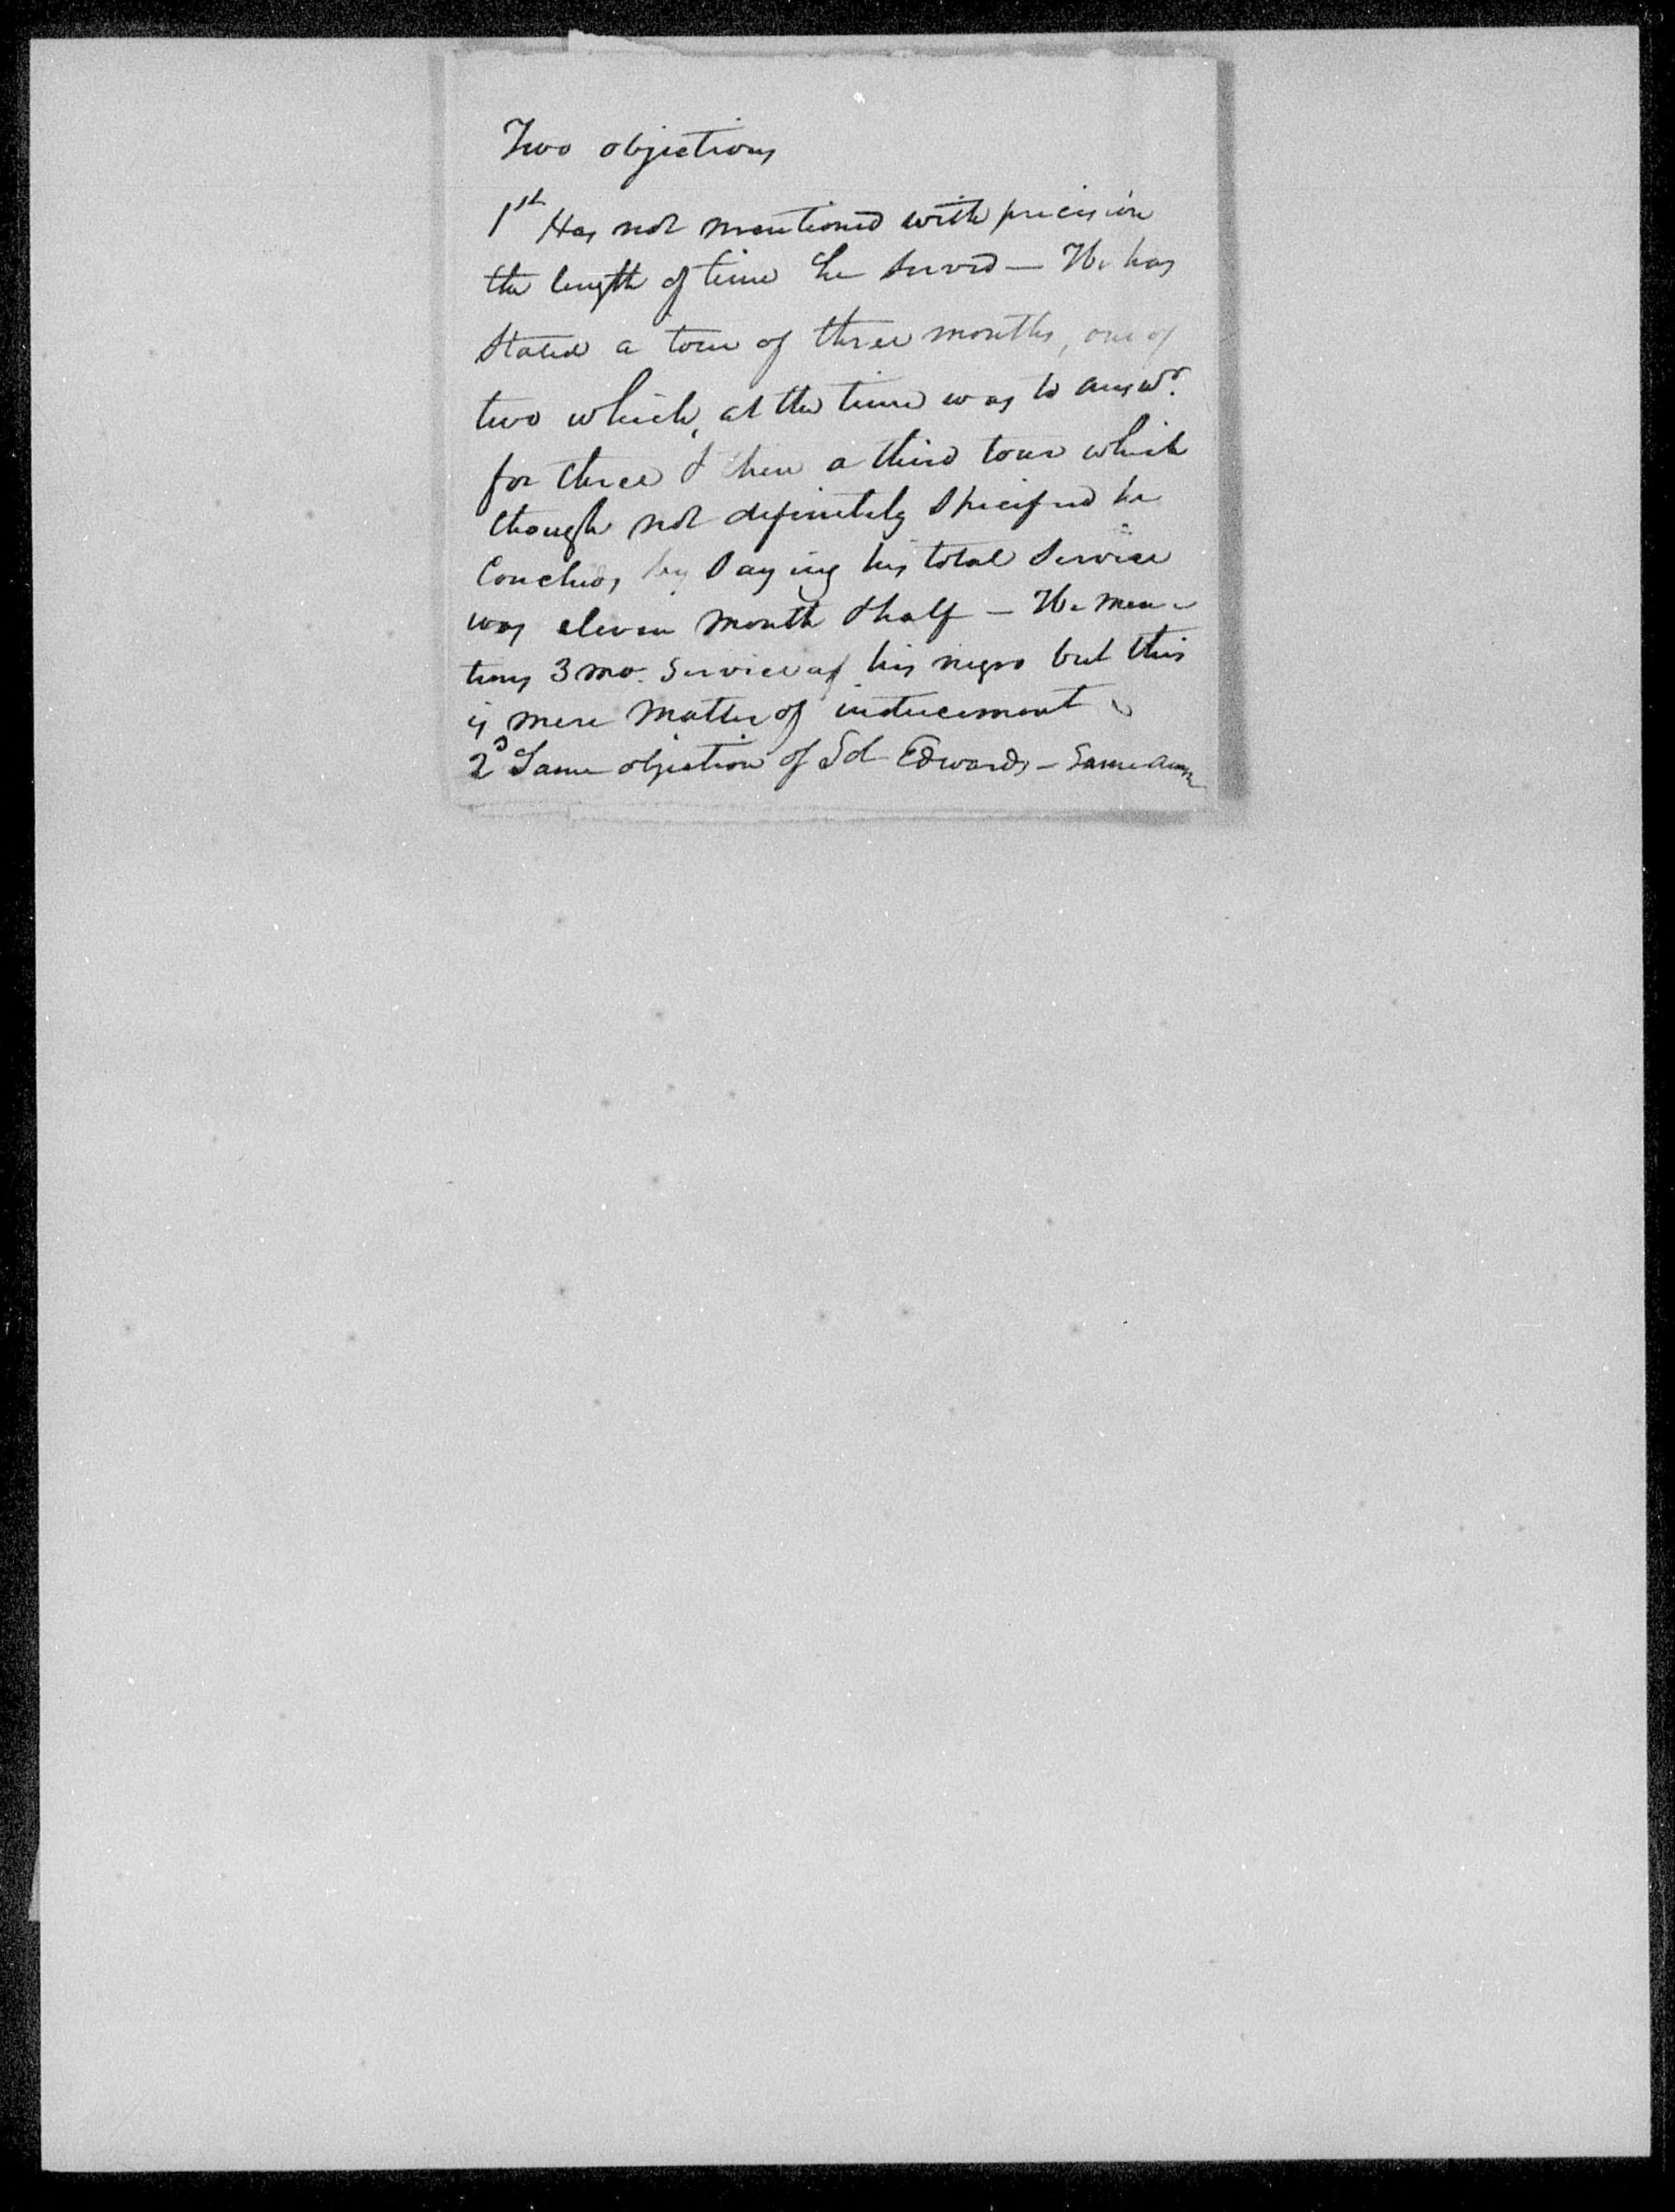Two objections
1st Has not mentioned with precision the length of time he served - He has stated a tour of three months, one of two which, at the time was to account for three & then a third tour which though not definitely specified to conclusion by saying his total service was eleven months & half.  He mentions 3 mo. service of his negro but this is mere matter of inducement.  2d Same objection of Ed Edwards - same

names: [BLANK] Edwards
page: 11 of 32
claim: survivor's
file: S. 31888, for John Oliver, North Carolina